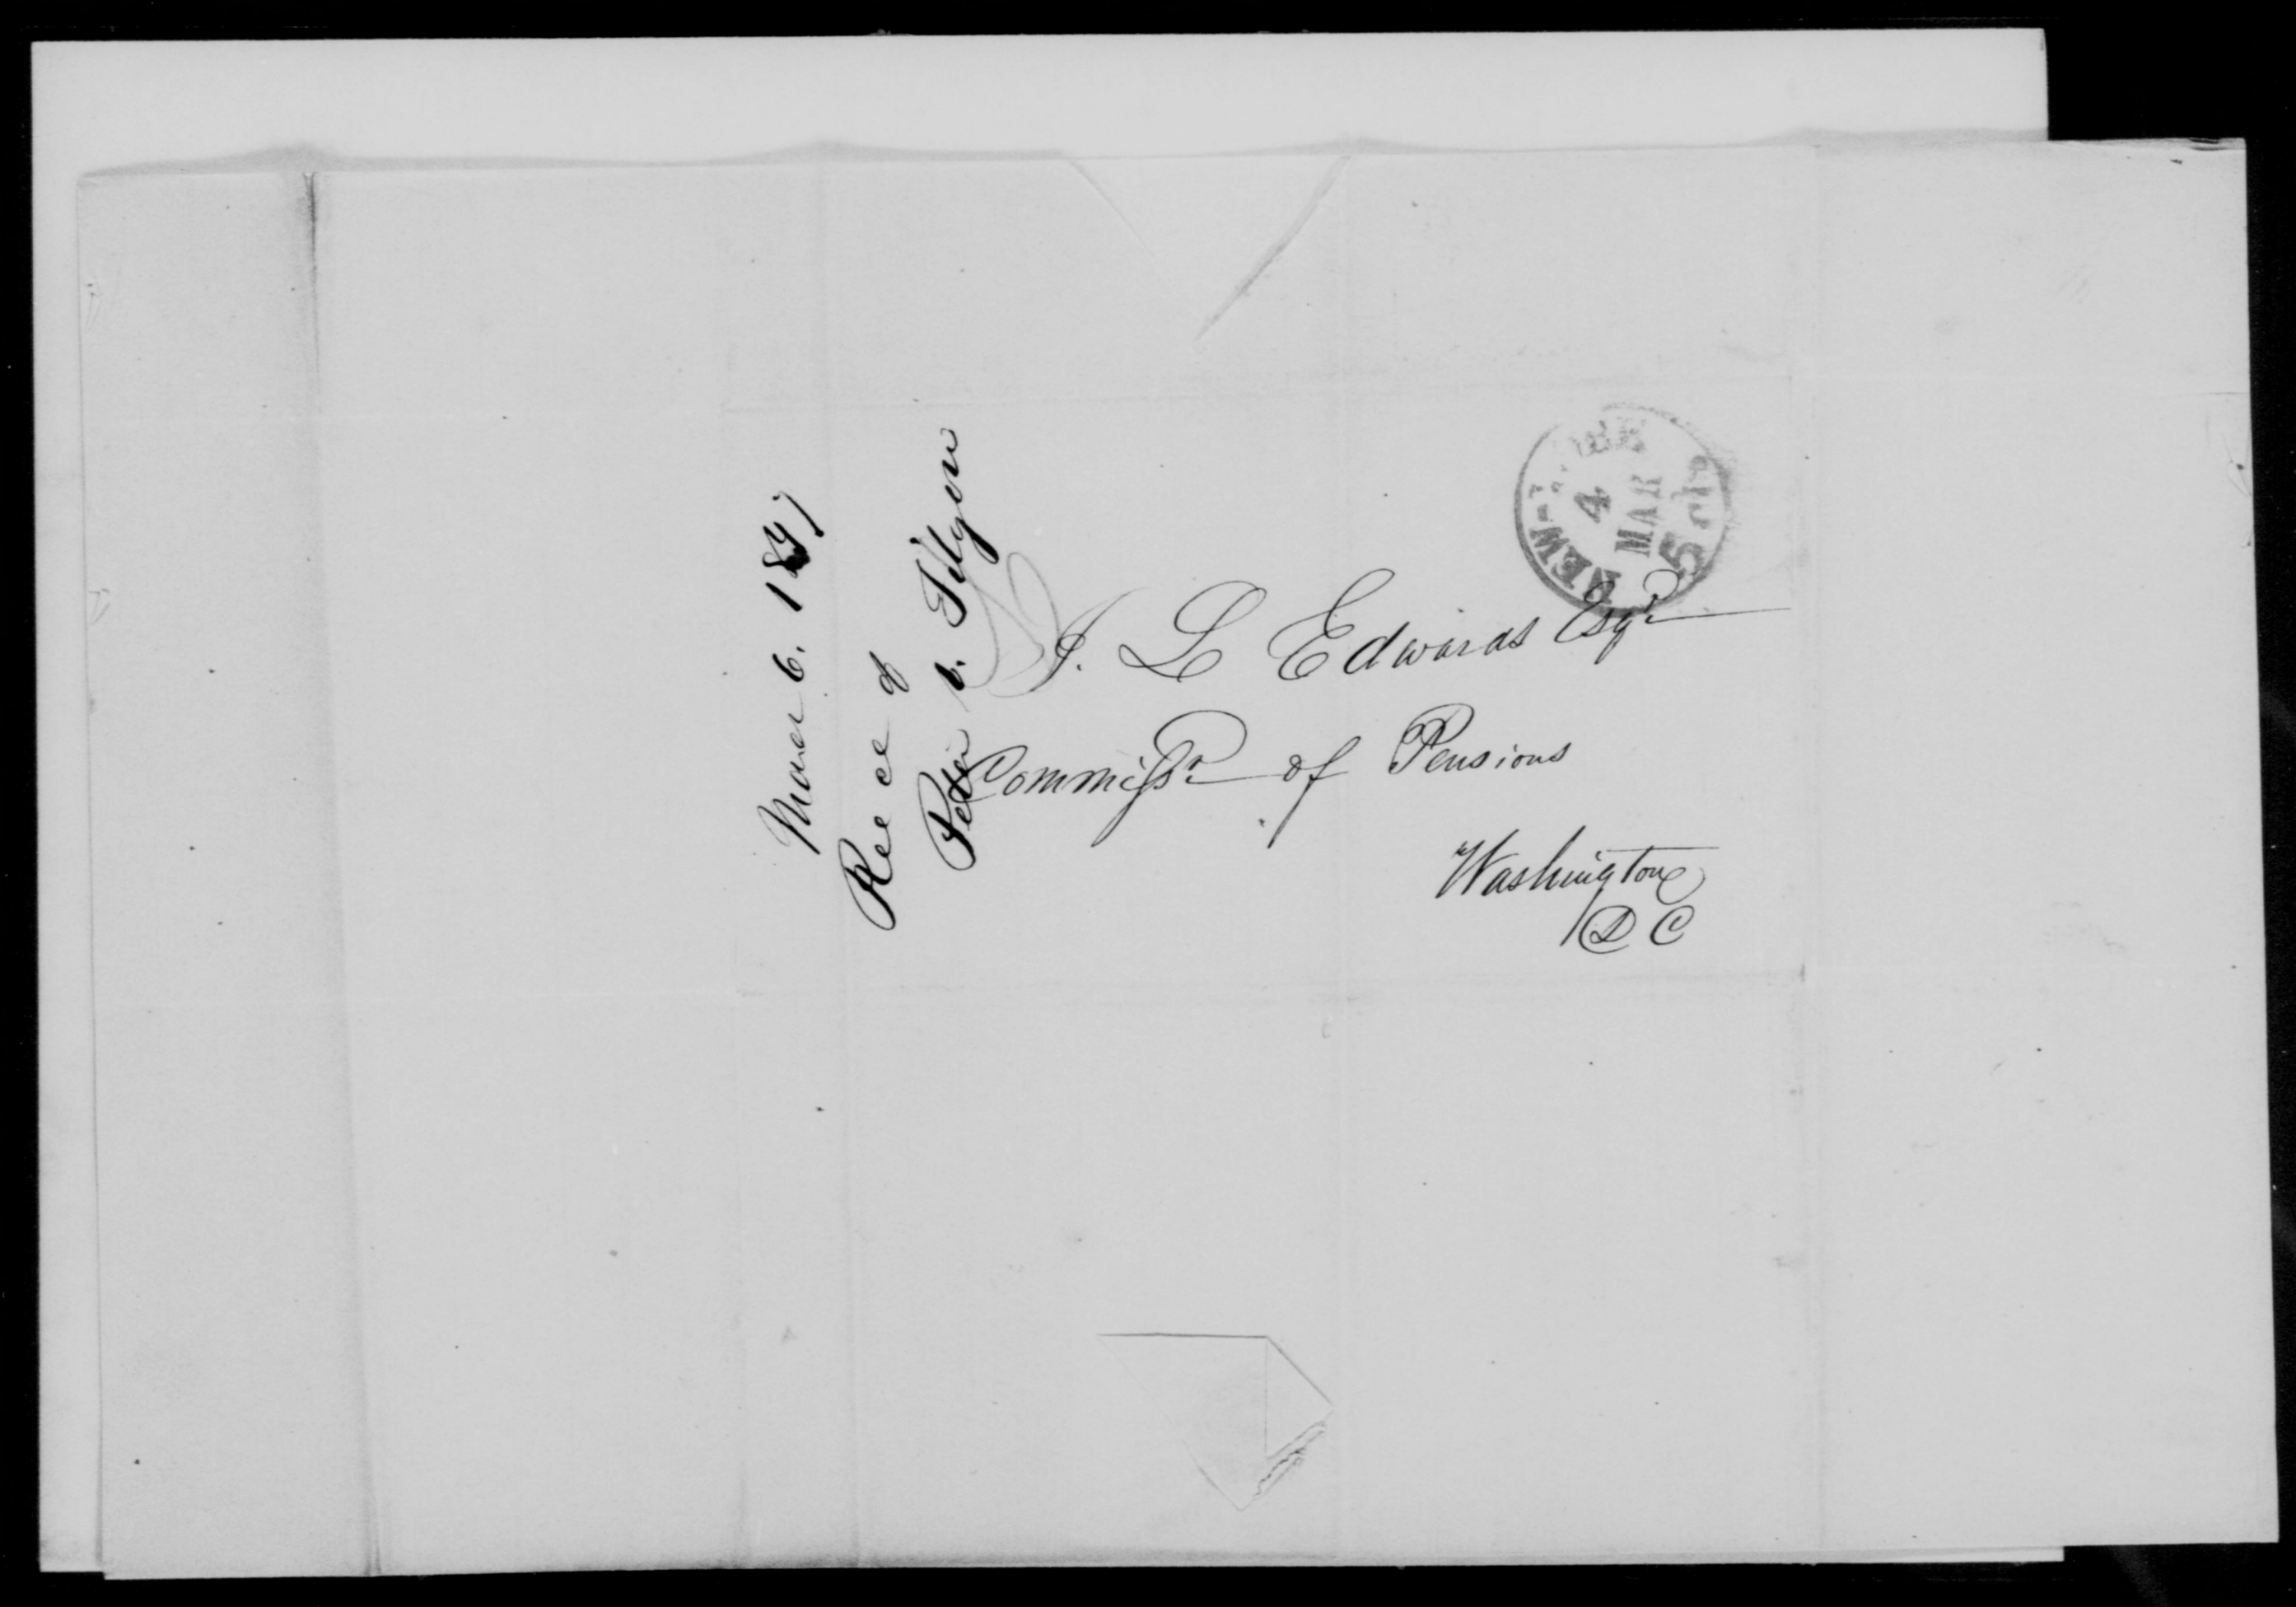J.L. Edwards
Commissr of Pensions
Washington D C
[on side]
March 6, 1847
[Ree ee] of Peter V. Tilyou

[postal mark] NEW YORK 4 MAR  5 cts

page: 67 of 101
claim: widow's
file: W. 25481, for Peter V Tilyou, New Jersey